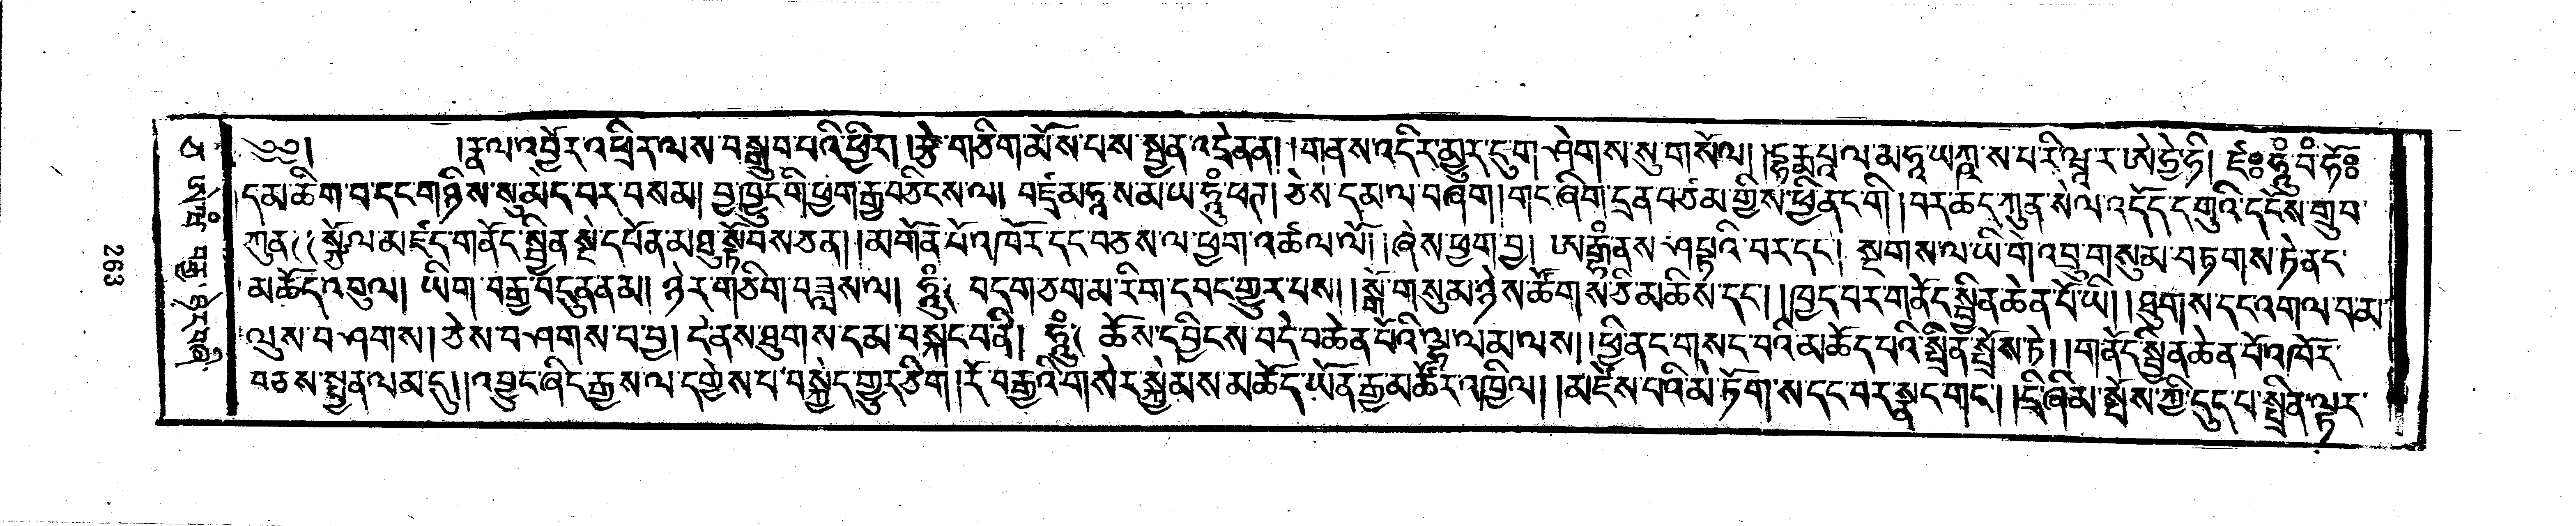༄༅། །རྣལ་འབྱོར་འཕྲིན་ལས་བསྒྲུབ་པའི་ཕྱིར། །རྩེ་གཅིག་མོས་པས་སྤྱན་འདྲེན་ན། །གནས་འདིར་མྱུར་དུ་གཤེགས་སུ་གསོལ། །དྷརྨ་པཱ་ལ་མཧཱ་ཡཀྵ་ས་པ་རི་ཝཱ་ར་ཨེ་ཧྱེ་ཧི། ཛཿ ཧཱུཾ་བཾ་ཧོཿ
དམ་ཚིག་པ་དང་གཉིས་སུ་མེད་པར་བསམ། བྱ་ཁྱུང་གི་ཕྱག་རྒྱ་བཅིངས་ལ། བཛྲ་མཧཱ་ས་མ་ཡ་ཧཱུཾ་ཕཊ། ཅེས་དམ་ལ་བཞག །གང་ཞིག་དྲན་པ་ཙམ་གྱིས་ཕྱི་ནང་གི །བར་ཆད་ཀུན་སེལ་འདོད་དགུའི་དངོས་གྲུབ་
ཀུན༑ ༑སྩོལ་མཛད་གནོད་སྦྱིན་སྡེ་དཔོན་མཐུ་སྟོབས་ཅན། །མགོན་པོ་འཁོར་དང་བཅས་ལ་ཕྱག་འཚལ་ལོ། །ཞེས་ཕྱག་བྱ། ཨརྒྷཾ་ནས་ཤཔྟའི་བར་དང་། སྔགས་ལ་ཡི་གེ་འབྲུ་གསུམ་བཏགས་ཏེ་ནང་
མཆོད་འབུལ། ཡིག་བརྒྱ་བདུན་ནམ། ཉེར་གཅིག་བཟླས་ལ། ཧཱུཾ༑ བདག་ཅག་མ་རིག་དབང་གྱུར་པས། །སྒོ་གསུམ་ཉེས་ཚོགས་ཅི་མཆིས་དང་། །ཁྱད་པར་གནོད་སྦྱིན་ཆེན་པོ་ཡི། །ཐུགས་དང་འགལ་བ་མ་
ལུས་བཤགས། ཅེས་བཤགས་པ་བྱ། དེ་ནས་ཐུགས་དམ་བསྐང་བ་ནི། ཧཱུཾ༑ ཆོས་དབྱིངས་བདེ་བ་ཆེན་པོའི་ལྷ་ལམ་ལས། །ཕྱི་ནང་གསང་བའི་མཆོད་པའི་སྤྲིན་སྤྲོས་ཏེ། །གནོད་སྦྱིན་ཆེན་པོ་འཁོར་
བཅས་སྤྱན་ལམ་དུ། །འབྱུང་ཞིང་རྒྱས་ལ་དགྱེས་པ་བསྐྱེད་གྱུར་ཅིག །རོ་བརྒྱའི་གསེར་སྐྱེམས་མཆོད་ཡོན་རྒྱ་མཚོར་འཁྱིལ། །མཛེས་པའི་མེ་ཏོག་ས་དང་བར་སྣང་གང་། །དྲི་ཞིམ་སྤོས་ཀྱི་དུད་པ་སྤྲིན་ལྟར་